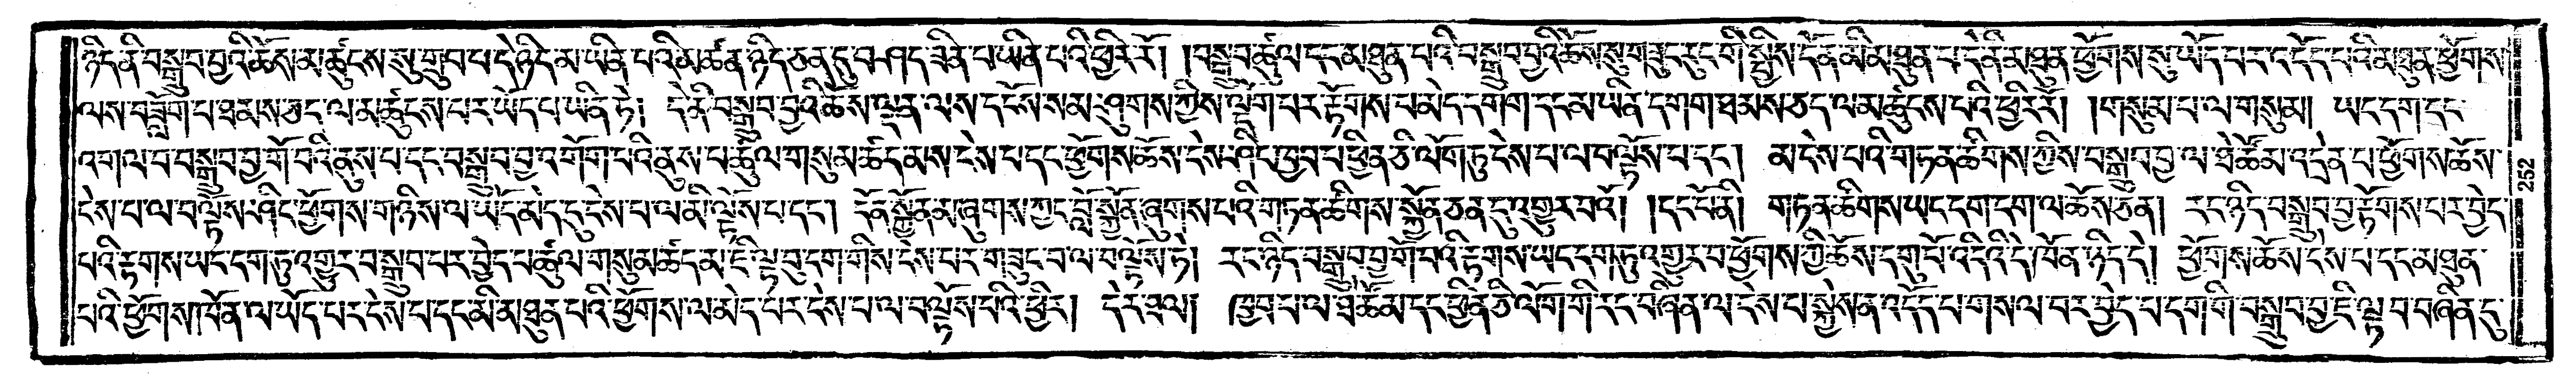ཉིད་ནི་བསྒྲུབ་བྱའི་ཆོས་མཚུངས་སུ་གྲུབ་པ་དེ་ཉིད་མ་ཡིན་པའི་མཚན་ཉིད་ཅན་དུ་བཤད་ཟིན་པ་ཡིན་པའི་ཕྱིར་རོ། །བསྒྲུབ་ཚུལ་དང་མཐུན་པའི་བསྒྲུབ་བྱའི་ཆོས་སུ་གཟུང་རུང་གི་སྤྱིས་དོན་མི་མཐུན་པ་དེ་ནི་མཐུན་ཕྱོགས་སུ་ཡོད་པར་འདོད་པའི་མཐུན་ཕྱོགས་
ལས་བཟློག་པ་ཐམས་ཅད་ལ་མཚུངས་པར་ཡོད་པ་ཡིན་ཏེ། དེ་ནི་བསྒྲུབ་བྱའི་ཆོས་ལྡན་ལས་དངོས་སམ་ཤུགས་ཀྱིས་ལྡོག་པར་རྟོགས་པ་མེད་དགག་དང་མ་ཡིན་དགག་ཐམས་ཅད་ལ་མཚུངས་པའི་ཕྱིར་རོ། །གསུམ་པ་ལ་གསུམ། ཡང་དག་དང་
འགལ་བ་བསྒྲུབ་བྱ་གོ་བའི་ནུས་པ་དང་བསྒྲུབ་བྱ་འགོག་པའི་ནུས་པ་ཚུལ་གསུམ་ཚད་མས་ངེས་པ་དང་ཕྱོགས་ཆོས་ངེས་ཤིང་ཁྱབ་པ་ཕྱིན་ཅི་ལོག་ཏུ་ངེས་པ་ལ་བལྟོས་པ་དང་། མ་ངེས་པའི་གཏན་ཚིགས་ཀྱིས་བསྒྲུབ་བྱ་ལ་ཐེ་ཚོམ་འདྲེན་པ་ཕྱོགས་ཆོས་
ངེས་པ་ལ་བལྟོས་ཤིང་ཕྱོགས་གཉིས་ལ་ཡོད་མེད་དུ་ངེས་པ་ལ་མི་ལྟོས་པ་དང་། དོན་སྐྱོན་མ་ཞུགས་ཀྱང་བློ་སྐྱོན་ཞུགས་པའི་གཏན་ཚིགས་སྐྱོན་ཅན་དུ་འགྱུར་བའོ། །དང་པོ་ནི། གཏན་ཚིགས་ཡང་དག་དག་ལ་ཆོས་ཅན། རང་ཉིད་བསྒྲུབ་བྱ་རྟོགས་པར་བྱེད་
པའི་རྟགས་ཡང་དག་ཏུ་འགྱུར་བ་སྒྲུབ་པར་བྱེད་པ་ཚུལ་གསུམ་ཚད་མ་ཇི་ལྟར་བུ་དག་གིས་ངེས་པར་གཟུང་བ་ལ་བལྟོས་ཏེ། རང་ཉིད་བསྒྲུབ་བྱ་གོ་བའི་རྟགས་ཡང་དག་ཏུ་འགྱུར་བ་ཕྱོགས་ཀྱི་ཆོས་དགུ་པོ་འདིའི་དེ་ཁོ་ན་ཉིད་དེ། ཕྱོགས་ཆོས་ངེས་པ་དང་མཐུན་
པའི་ཕྱོགས་ཁོ་ན་ལ་ཡོད་པར་ངེས་པ་དང་མི་མཐུན་པའི་ཕྱོགས་ལ་མེད་པར་ངེས་པ་ལ་བལྟོས་པའི་ཕྱིར། དེར་ཐལ། ཁྱབ་པ་ལ་ཐེ་ཚོམ་དང་ཕྱིན་ཅི་ལོག་གི་རང་བཞིན་ལ་ངེས་པ་སྐྱེས་ན་འདོད་པ་གསལ་བར་བྱེད་པ་དག་གི་བསྒྲུབ་བྱ་ཇི་ལྟ་བ་བཞིན་དུ་